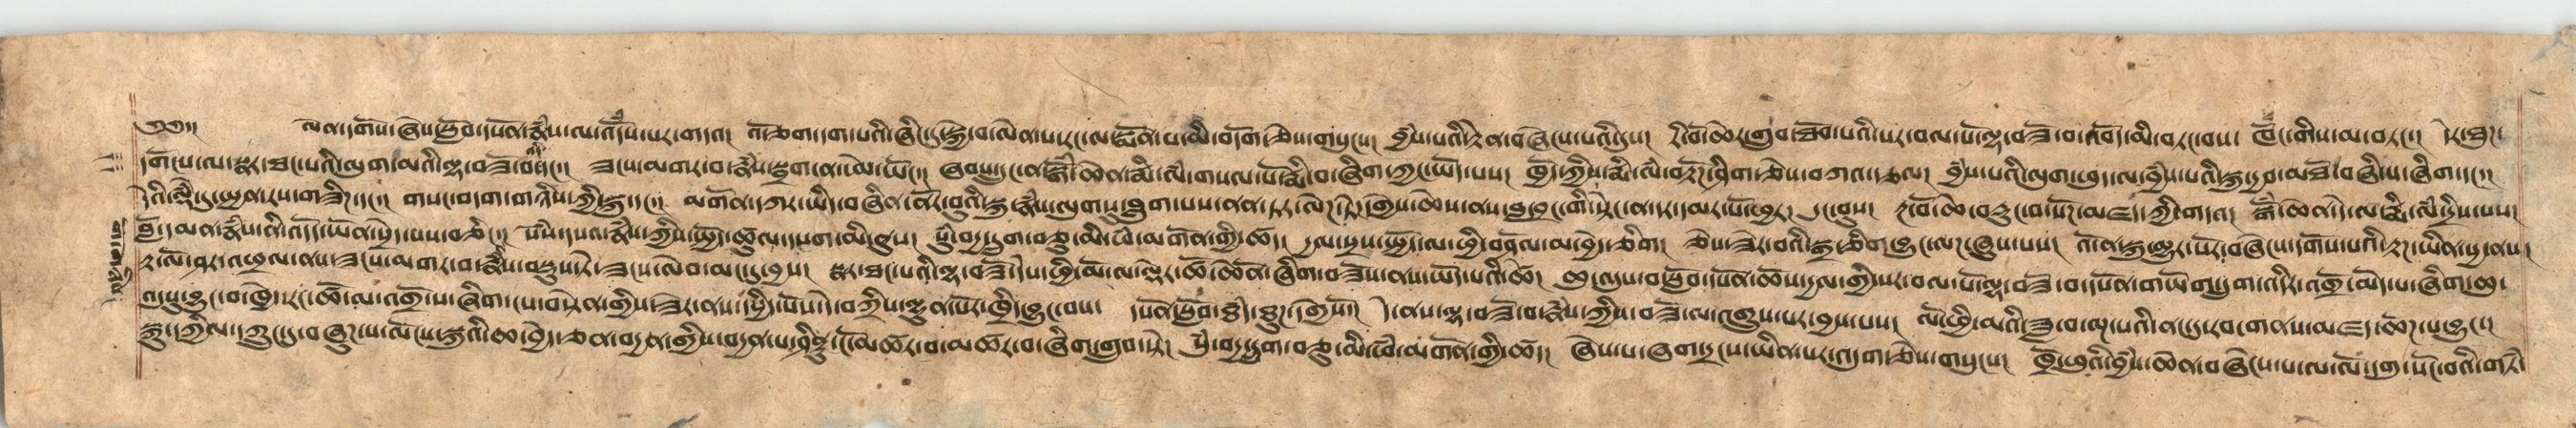༄༅་། ལེན་དགོས་ཞེས་སློབ་དཔོན་རྣཾས་ལ་འདོཾས་པར་གདའ། འོ་ཅག་དག་པའི་ཞིང་དུ་སྐྱེ་བ་ལེན་པ་རང་ལ་སྨོན་པ་མི་བདོག་ཅེས་གསུངས། བྱཾས་པའི་རྟེན་བཞེངས་པའི་དུས། རི་བོ་ཆེར་གྲུབ་ཐོབ་པའི་སར་བལ་པོ་ལྷ་བཟོ་བ་འབོད་མི་བཏང་བས། ཁོང་གིས་མ་བཏང་། དེར་ཐུཌ་
དགོངས་ལ་སྣར་ཐང་པའི་ལུག་མའི་ལྷ་བཟོ་བ་འདི་དང་། ཟངས་མགར་བ་རྣཾས་སྦྲག་ན་མེ་ཡོང་། ཞབས་དྲུང་ན་སྒོཾ་ཆེན་རྨི་ལཾ་གསལ་པོ་རྨི་བ་ཞིག་ཀྱང་ཡོད་པས། ཁྱེད་ཀྱིས་རྨི་ལཾ་བརྟོཌ་ཤིག་ཅེས་བཀའ་རྩལ། བྱཾས་པའི་ལུག་ཕུད་ལ་བྱཾས་པའི་སྐུ་དྱབ་མཐོ་བཞི་པ་ཞིག་དང་།
དེའི་ལྡེཾ་དུ་སྤྱན་རས་གཟིཌ་དང་། གསང་བདག་གཉིས་ཀྱི་སྐུ་དང་། མགོན་དཀར་ཡིད་བཞིན་ནོར་བུའི་སྐུ་རྣཾས་ལུགསུ་བླུག་པས་ནན་ཏར་ལེཌ་ཏེ་དགྱེས་ཆེས་ནས་བླ་བྲང་གི་སྟེང་ན་དར་དམར་པོ་ཕྱར། དུང་བུས། རྔ་བོ་ཚེ་བརྡུང་བ་སོཌ་མཛད་ཀྱི་གདའ། སྒོཾ་ཆེན་དེ་ལ་རྨི་ལཾ་དྲིས་པས།
བློ་དམན་རྣཾས་ནི་འདོད་ཡོན་སྲེད་པས་བཅིང་། སེཾས་དཔའ་རྣཾས་ཀྱིས་སྤྱོད་ཚུལ་དཔག་མི་ནུས། སུཾ་བདྱ་དྲུག་ཅུ་མི་ཕཾ་མགོན་གྱི་ཚད། དྱལ་སྲས་སྤྱོད་ལ་ཕྱི་བཤོལ་མ་བྱེད་ཅིག། ཅེས་ཟེར་བའི་སྒྲ་ཅིག་བྱུང་ལཌ་ཞུས་པས། འོ་ན་སྐུ་མྱུར་པོར་བཞེངས་དགོས་པའི་རྟཌ་ཡིན་སྱ་ནས།
རྟ་ལོ་ཤར་འཕྲལ་ནས་ཟངས་མགར་བ་རྣཾས་བསྡུས་ཏེ་ཟངས་ལེབ་མང་དུ་བྱས། སྣར་ཐང་པའི་ལྷ་བཟོ་དེས་ཕྱི་མོ་ལ་ལྡེར་ཚོ་ཆེནོ་ཞིག་བཟོས་ནས་ཡོད་པའི་ཚེ། ཆུ་འདུས་བ་སློབ་དཔོན་ཆོས་དྱལ་གྱི་སར་བལ་པོ་ལྷ་བཟོ་བ་དཔོན་གཡོག་དྲུག་འདིར་འགྲོ་མེད་པ་ཞིག་ཆུ་
འདུསུ་བྱུང་བ་ཁྱེད་རང་ཚོ་ལ་འགྲོ་ས་ཞིག་ངས་བསྟེན་གྱིས་ཟེར་ནས་དཔྱིད་སོས་དེ་བཀྲིས་ལྷུན་པོར་ཁྲིད་བྱུང་བས། དཔོན་སློབ་ཐཾད་ཐུཌ་དགྱེསོ། དེ་ནས་ལྷ་བཟོ་བ་རྣཾས་ཀྱིས་བཟོ་ལ་འགྲུས་པར་བྱས་པས། ལོ་ཕྱི་མའི་ཟླ་བ་ལྔ་པའི་ནང་དུ་རབ་གནས་མཛད་ཆོཌ་པ་བྱུང་།
སྐུ་དཀྱིལ་ཀྲུང་དུ་བཞུཌ་པ་ལོངས་སྐུའི་ཆ་བྱེད་ཅན་བདྱན་གྱིས་བདྱན་པ་ཤིནྟུ་ངོ་མཚར་བ་མཚར་བ་ཞིག་གྲུབ་སྟེ། སུཾ་བདྱ་དྲུག་བཅུ་མི་ཕཾ་མགོན་གྱི་ཚད། ཞེས་པ་ཞག་དྲངས་ཡིན་པར་འདུག་ཅེས་གསུངས། ཁྲོ་ཕུའི་བྱཾས་ཆེན་བཞེངས་པ་ལ་ལོ་དགུ་སོང་བའི་གཏཾ་